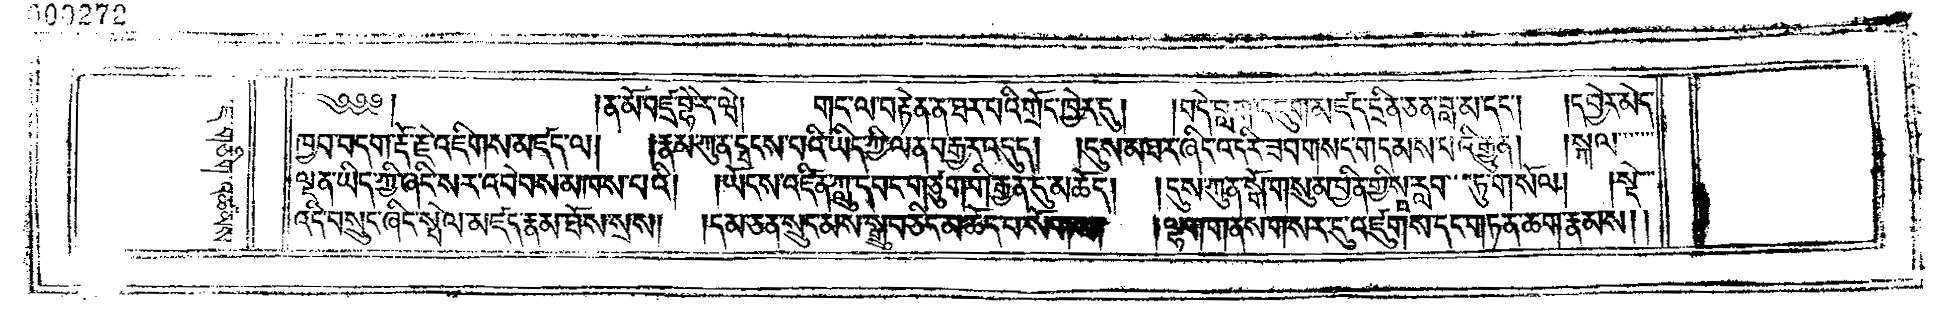༄༅༅། །ན་མོ་བཛྲ་བྷེ་རེ་ཝེ། གང་ལ་བརྟེན་ན་ཐར་པའི་གྲོང་ཁྱེར་དུ། །བདེ་བླག་འཇུག་མཛད་དྲིན་ཅན་བླ་མ་དང་། །དབྱེར་མེད་
ཁྱབ་བདག་རྡོ་རྗེ་འཇིགས་མཛད་ལ། །རྣམ་ཀུན་དྭངས་པའི་ཡིད་ཀྱི་ལན་བརྒྱར་འདུད། །དུས་མཐར་ཞིང་འདིར་ཟབ་གསང་གདམས་པའི་རྒྱུན། །སྐལ་
ལྡན་ཡིད་ཀྱི་ཞིང་སར་འབེབས་མཁས་པའི། །ཡོངས་འཛིན་ཀླུ་དབང་གཙུག་གི་རྒྱན་དུ་མཆོད། །དུས་ཀུན་སྒོ་གསུམ་བྱིན་གྱིས་བརླབ་ཏུ་གསོལ། །སྡེ་
འདི་བསྲུང་ཞིང་སྤེལ་མཛད་རྣམ་ཐོས་སྲས། །དམ་ཅན་སྲུང་མས་སྒྲུབ་ཅིང་མཆོད་པ་སོགས། །ལྷག་གནས་གསར་དུ་འཛུགས་དང་གཏན་ཆག་རྣམས། །